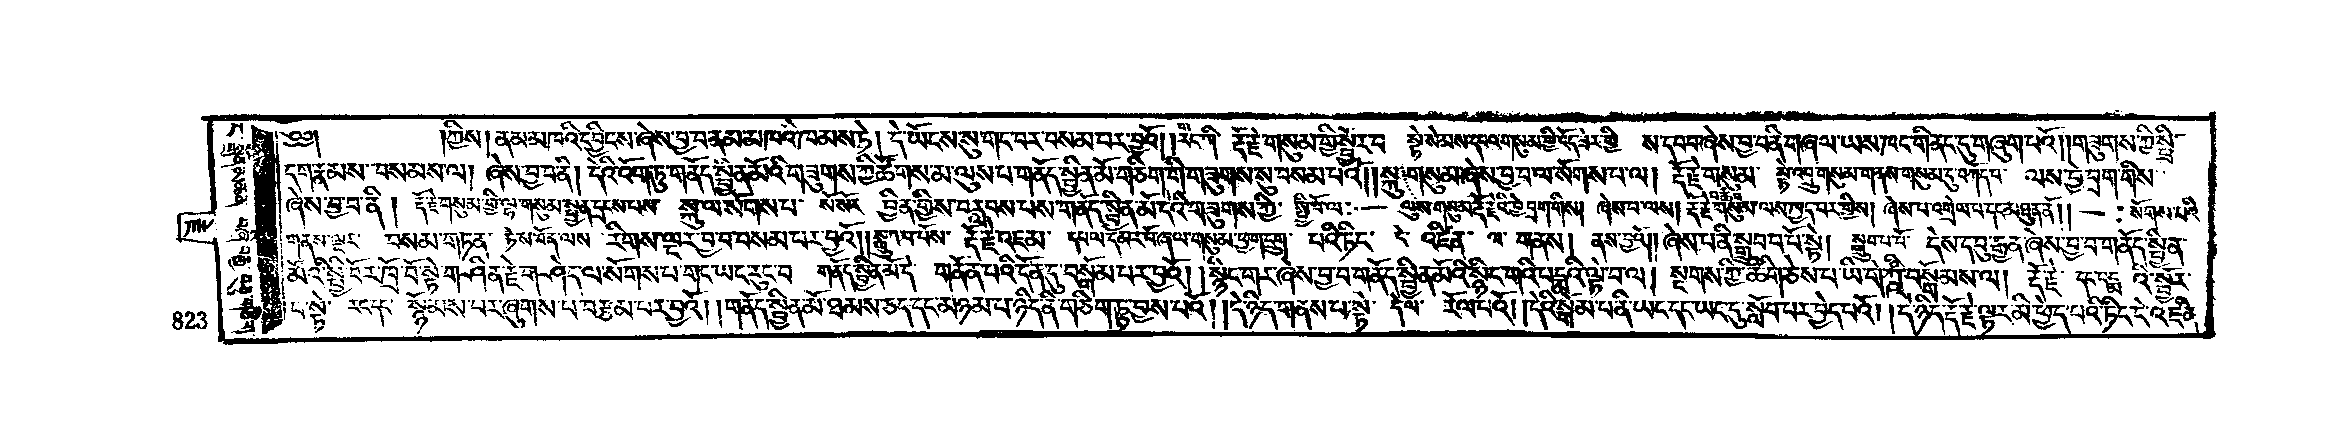༄༅། །ཀྱིས། ནམ་མཁའི་དབྱིངས་ཞེས་བྱ་བ་ནམ་མཁའི་ཁམས་ཏེ། དེ་ཡོངས་སུ་གང་བར་བསམ་པར་བྱའོ། ། ག་རང་གི་རྡོ་རྗེ་གསུམ་གྱི་སྦྱོར་བ་སྟེ་སེམས་དཔའ་གསུམ་གྱི་འོད་ཟེར་གྱིས་དབབ་ཞེས་བྱ་བ་ནི་གཞལ་ཡས་ཁང་གི་ནང་དུ་གཞུག་པའོ། །གཟུགས་ཀྱི་སྤྲིན་
དག་རྣམས་བསམས་ལ། ཞེས་བྱ་བ་ནི། དེའི་འོག་ཏུ་གནོད་སྦྱིན་མོའི་གཟུགས་ཀྱི་ཚོགས་མ་ལུས་པ་གནོད་སྦྱིན་མོ་གཅིག་གི་གཟུགས་སུ་བསམ་པའོ། །སྐུ་གསུམ་ཞེས་བྱ་བ་ལ་སོགས་པ་ལ། རྡོ་རྗེ་གསུམ་སྟེ་འབྲུ་གསུམ་གནས་གསུམ་དུ་བཀོད་པ་ལས་བྱེ་བྲག་གིས་
ཞེས་བྱ་བ་ནི། རྡོ་རྗེ་གསུམ་གྱི་ལྷ་གསུམ་སྤྱན་དྲངས་པས་སྐུ་ལ་སོགས་པ་སོ་སོར་བྱིན་གྱིས་བརླབས་པས་གནོད་སྦྱིན་མོ་དེའི་གཟུགས་ཀྱི་སྤྱི་བོ་ལཿ་ལུས་གསུམ་རྡོ་རྗེའི་བྱེ་བྲག་གིས། ཞེས་པ་ལས། རྡོ་རྗེ་གསུམ་པ་ཚབ་ལས་ཁྱད་པར་གྱིས། ཞེས་པ་འགྲེལ་པ་དང་མཐུན་ནོ།། .H སོགས་པའི་
གནས་ལྔར་བསམ་གཏན་ཏེ་ས་བོན་ལས་རིགས་ལྔར་བྱ་བ་བསམ་པར་བྱའོ། ། སྒྲུབ་པ་པོས་རྡོ་རྗེ་འཇམ་དཔལ་དམར་པོ་ཞལ་གསུམ་ཕྱག་དྲུག་པའི་ཏིང་ངེ་འཛིན་ལ་གནས། ནས་བྱའོ། །ཞེས་པ་ནི་སྒྲུབ་པ་པོ་སྟེ། སྒྲུབ་པ་པོ་དེས་དབུ་རྒྱན་ཞེས་བྱ་བ་གནོད་སྦྱིན་
མོའི་སྤྱི་བོར་ཁྲོ་བོ་སྟེ་གཤིན་རྗེ་གཤེད་ལ་སོགས་པ་གང་ཡང་རུང་བ་གནོད་སྦྱིན་མོ་དེ་གནོན་པའི་དོན་དུ་བསྒོམ་པར་བྱའོ། །སྙིང་གར་ཞེས་བྱ་བ་གནོད་སྦྱིན་མོའི་སྙིང་གའི་པདམའི་ལྟེ་བ་ལ། སྔགས་ཀྱི་ཚིག་ཅེས་པ་ཡི་གེ་ཀྵིཾ་བསྒོམས་ལ། རྡོ་རྗེ་དང་པདམའི་སྦྱོར་
བ་སྟེ་རང་དང་སྙོམས་པར་ཞུགས་པ་བརྩམ་པར་བྱའོ། །གནོད་སྦྱིན་མོ་ཐམས་ཅད་དང་མཉམ་པ་ཉིད་ནི་གཅིག་ཏུ་བྱས་པའོ། །དེ་ཉིད་གནས་པ་སྟེ་དེ་ལ་རོལ་པའོ། །དེའི་སྒོམ་པ་ནི་ཡང་དང་ཡང་དུ་སློབ་པར་བྱེད་པའོ། །དེ་ཉིད་རྡོ་རྗེ་ལྟར་མི་ཕྱེད་པའི་ཏིང་ངེ་འཛིན་